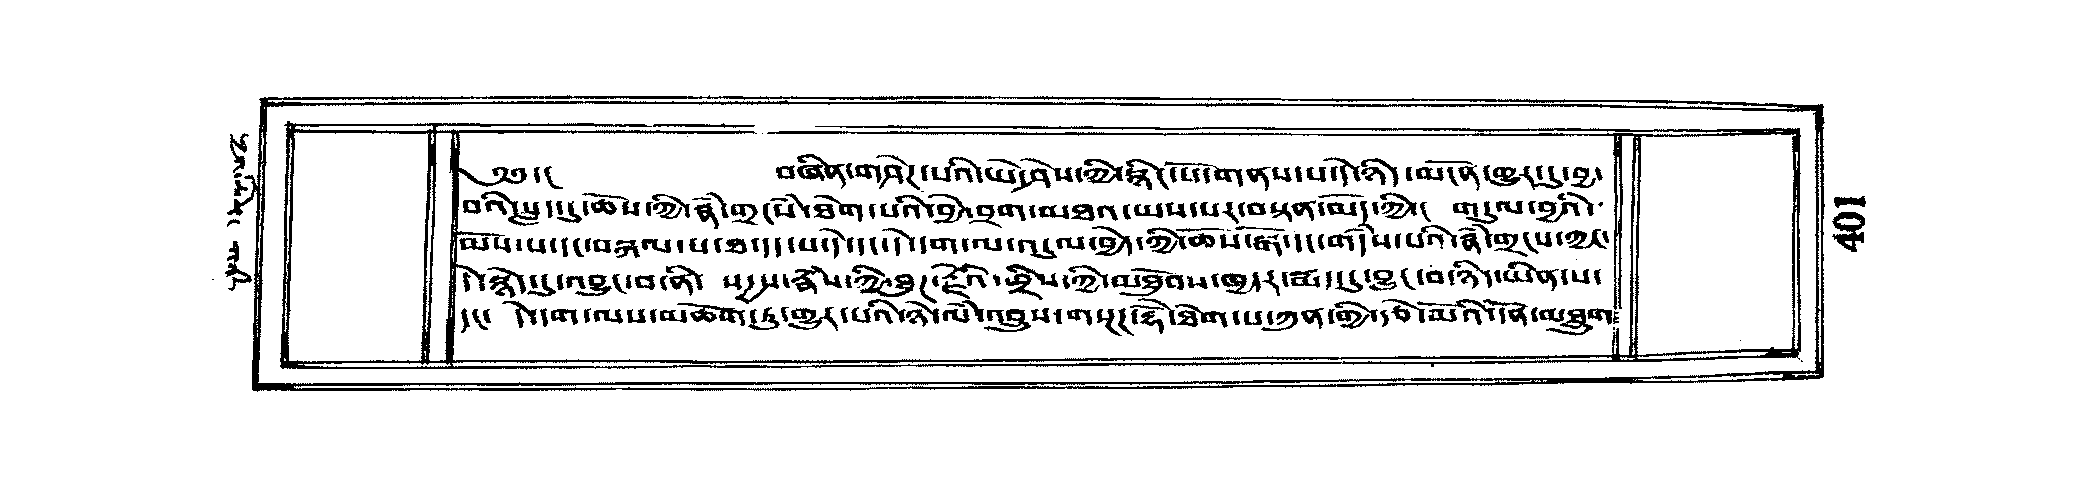བཞིན་གཤེགས་པའི་ཡེ་ཤེས་ཀྱི་སྙིང་པོ་གནས་པ་དེ་ཉིད་མངོན་གྱུར་དུ་བྱ་
བའི་སླད་དུ་ཆོས་ཀྱི་རྣམ་གྲངས་སམ་ཐེག་པའི་བྱེ་བྲག་མཐའ་ཡས་པར་བསྟན་མོད་ཀྱི། གདུལ་བྱའི་
མོས་པ་དང་བསྐལ་པ་ཐ་དད་པ་དེ་དང་དེ་དག་ལ་འདུལ་བྱེད་ཀྱི་ཆོས་སྒོ་དང་གདམས་པའི་རྣམ་གྲངས་ཀྱང་
དེ་སྙེད་དུ་འབྱུང་བ་ནི། སངས་རྒྱས་རྣམས་ཀྱི་ཐུགས་རྗེའི་ཕྲིན་ལས་ཀྱི་མཐུ་སྟོབས་ཁྱད་པར་སྨད་དུ་བྱུང་བ་ཉིད་ཡིན་པ་
དང་། དེ་དག་ལས་མཆོག་ཏུ་གྱུར་པའི་ཉེ་ལམ་འབྲས་བུ་གསང་སྔགས་རྡོ་རྗེ་ཐེག་པ་ཀུན་གྱི་རྩེ་མོའི་དོན་མཐར་ཐུག་